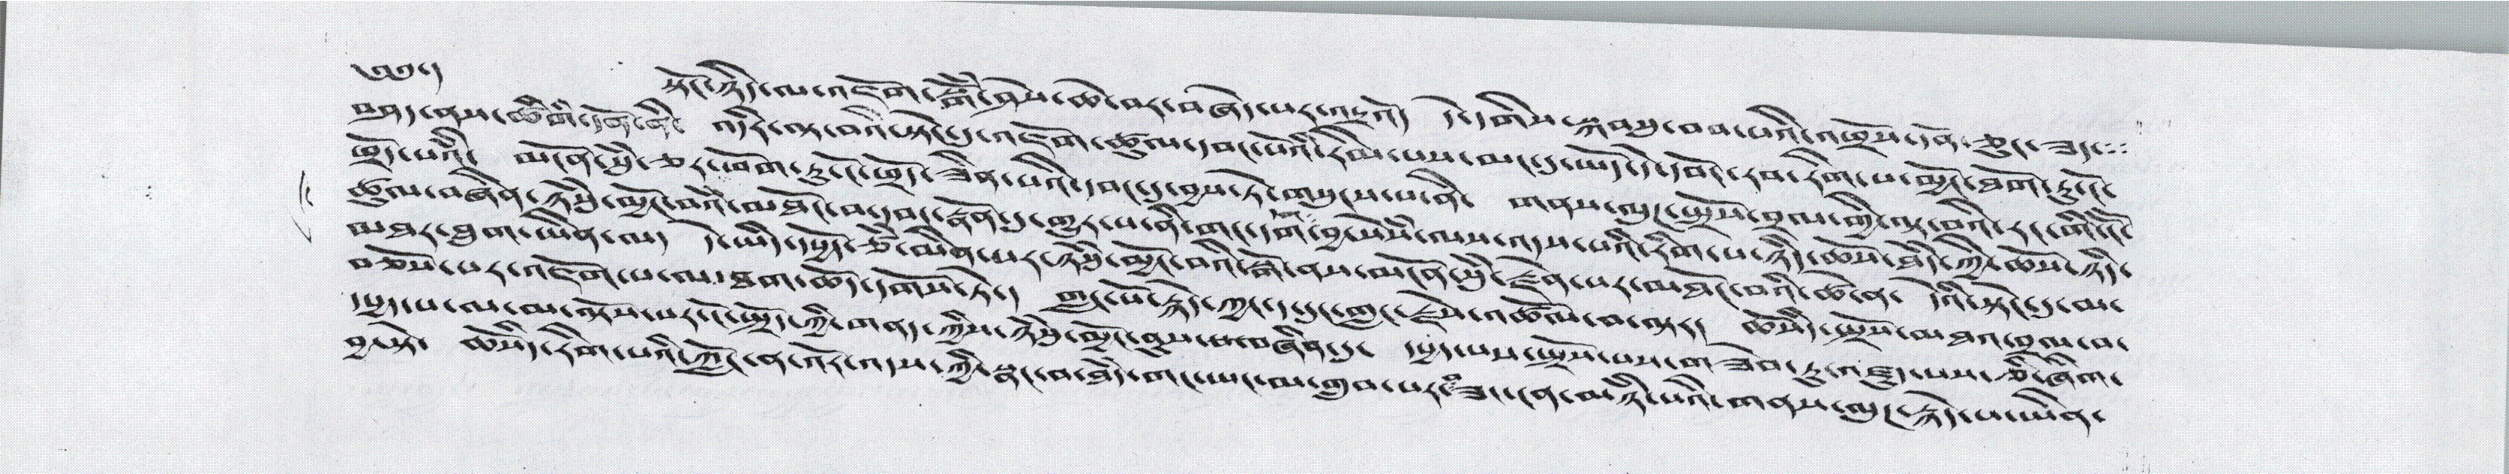སྟོང་ཉིད་ལ་འཇོག་སྒོམ་ཤས་ཆེ་བར་བཞེད་པར་འདྲའོ། དེ་དག་གིས་སྐབས་སུ་བབས་པའི་འཕྲོས་དོན་ཅུང་ཟད་
བཤད་ནས་ཚིག་གི་དོན་ནི། འདིར་ལྟ་བའི་སྟེང་དུ་འཇོག་ཚུལ་དབང་པོའི་རིམ་པས་མང་དུ་ཡོད་དེ་དབང་པོ་རབ་རིག་པ་མྱོང་ཐོག་ཏུ་ངོ་
སྤྲོད་པའམ། མངོན་སུམ་ཅར་ཕོག་ཏུ་ངོ་སྤྲོད་ཟིན་པའི་དབང་དུ་བྱས་ཏེ་གསུངས་པ་ནི། གནས་ལུགས་སྤྲོས་བྲལ་གྱི་ལྟ་བའི་རང་གི་ངོ་བོ་
ཚུལ་བཞིན་ཉམས་སུ་མྱོང་བའམ་མཐོང་བ་དབང་རྣོན་དུ་གྱུར་པ་ནི་གང་དག་དབང་བྱ་སེམས་ལས་འདས་པའི་རིག་པ་ཉིད་ཆོས་ཐམས་ཅད་ཀྱི་ཆོས་ཉིད་
མཐར་ཐུག་ཡིན་ལ། དེ་ཡིད་དཔྱོད་ཙམ་མིན་པར་ཉམས་སུ་མྱོང་བའི་སྒོ་ནས་མངོན་སུམ་རྗེན་པར་མཐོང་བའི་ཚེ་ན་དེའི་སྟེང་དུ་མ་
བཅོས་པར་འཇོག་པ་ལ་ཐག་ཆོད་དགོས་ཏེ། གླང་པོ་རྙེད་ཀྱང་ད་དུང་གླང་རྗེས་འཚོལ་བ་ལྟར་ཆོས་ཉིད་སྤྲོས་མཐའ་བྲལ་བ་
དཔྱད་པ་ལ་མ་ལྟོས་པར་ངོ་སྤྲོད་ཀྱི་གནད་ཀྱིས་ཉམས་སུ་མྱོང་ནུས་པ་བཞིན་དུ། དཔྱད་པས་སྤྲོས་པས་གཟེབ་ཏུ་འཛུད་པས་ཅི་ཞིག་
བྱ་སྟེ། ཆོས་ཉིད་རིག་པའི་ཀློང་ན་འཁོར་འདས་ཀྱི་སྣང་བ་ཐམས་ཅད་གང་ཡང་མ་གྲུབ་པར་བཟང་ངན་མཉམ་པའི་གནས་ལུགས་རྙེད་པ་ཡིན་